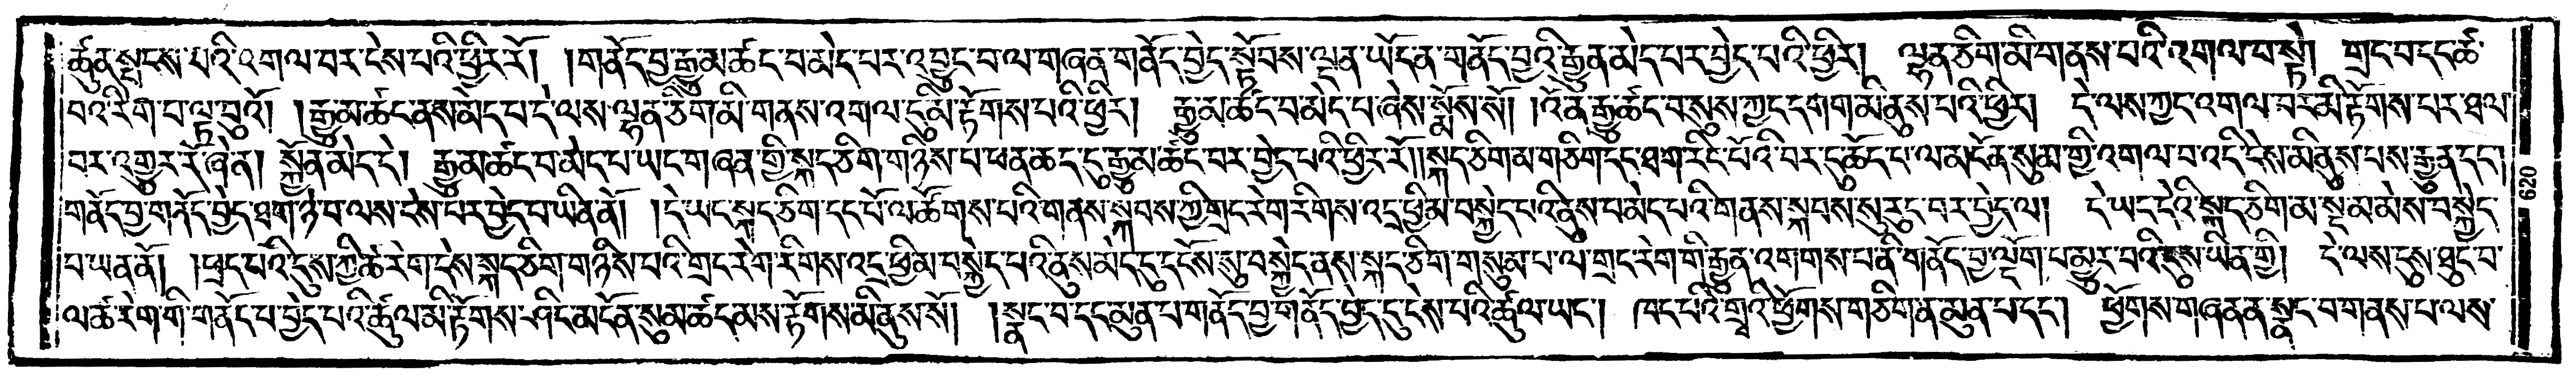ཚུན་སྤངས་པའི་འགལ་བར་ངེས་པའི་ཕྱིར་རོ། །གནོད་བྱ་རྒྱུ་མ་ཚད་པ་མེད་པར་འབྱུང་བ་ལ་གཞན་གནོད་བྱེད་སྟོབས་ལྡན་ཡོད་ན་གནོད་བྱའི་རྒྱུན་མེད་པར་བྱེད་པའི་ཕྱིར། ལྷན་ཅིག་མི་གནས་པའི་འགལ་བ་སྟེ། གྲང་བ་དང་ཚ་
བའི་རིག་པ་ལྟ་བུའོ། །རྒྱུ་མ་ཚང་ནས་མེད་པ་དེ་ལས་ལྷན་ཅིག་མི་གནས་འགལ་དུ་མི་རྟོགས་པའི་ཕྱིར། རྒྱུ་མ་ཚང་བ་མེད་པ་ཞེས་སྨོས་སོ། །འོ་ན་རྒྱུ་ཚང་བ་སུས་ཀྱང་དགག་མི་ནུས་པའི་ཕྱིར། དེ་ལས་ཀྱང་འགལ་བར་མི་རྟོགས་པར་ཐལ་
བར་འགྱུར་རོ་ཞེ་ན། སྐྱོན་མེད་དེ། རྒྱུ་མ་ཚང་བ་མེད་པ་ཡང་གཞན་གྱི་སྐད་ཅིག་གཉིས་པ་ཕན་ཆད་དུ་རྒྱུ་མ་ཚང་བར་བྱེད་པའི་ཕྱིར་རོ། །སྐད་ཅིག་མ་གཅིག་དང་ཐག་རིང་པོའི་བར་དུ་ཆོད་པ་ལ་མངོན་སུམ་གྱི་འགལ་བ་འདི་ངེས་མི་ནུས་པས་རྒྱུན་དང་།
གནོད་བྱ་གནོད་བྱེད་ཐག་ཉེ་བ་ལས་ངེས་པར་བྱེད་པ་ཡིན་ནོ། །དེ་ཡང་སྐད་ཅིག་དང་པོ་ལ་ཚོགས་པའི་གནས་སྐབས་ཀྱི་གྲང་རེག་རིགས་འདྲ་ཕྱི་མ་བསྐྱེད་པའི་ནུས་པ་མེད་པའི་གནས་སྐབས་སུ་རུང་བར་བྱེད་ལ། དེ་ཡང་དེའི་སྐད་ཅིག་མ་སྔ་མ་མེས་བསྐྱེད་
པ་ཡན་ནོ། །ཕྲད་པའི་དུས་ཀྱི་ཚ་རེག་དེས་སྐད་ཅིག་གཉིས་པའི་གྲང་རེག་རིགས་འདྲ་ཕྱི་མ་བསྐྱེད་པའི་ནུས་མེད་དུ་དངོས་སུ་བསྐྱེད་ནས་སྐད་ཅིག་གསུམ་པ་ལ་གྲང་རེག་གི་རྒྱུན་འགགས་པ་ནི་གནོད་བྱ་ལྡོག་པ་མྱུར་པའི་དུས་ཡིན་གྱི། དེ་ལས་དུས་ཐུང་བ་
ལ་ཚ་རེག་གི་གནོད་པ་བྱེད་པའི་ཚུལ་མི་རྟོགས་ཤིང་མངོན་སུམ་ཚད་མས་རྟོགས་མི་ནུས་སོ། །སྣང་བ་དང་མུན་པ་གནོད་བྱ་གནོད་བྱེད་དུ་ངེས་པའི་ཚུལ་ཡང་། ཁང་པའི་གྲྭའི་ཕྱོགས་གཅིག་ན་མུན་པ་དང་། ཕྱོགས་གཞན་ན་སྣང་བ་གནས་པ་ལས་